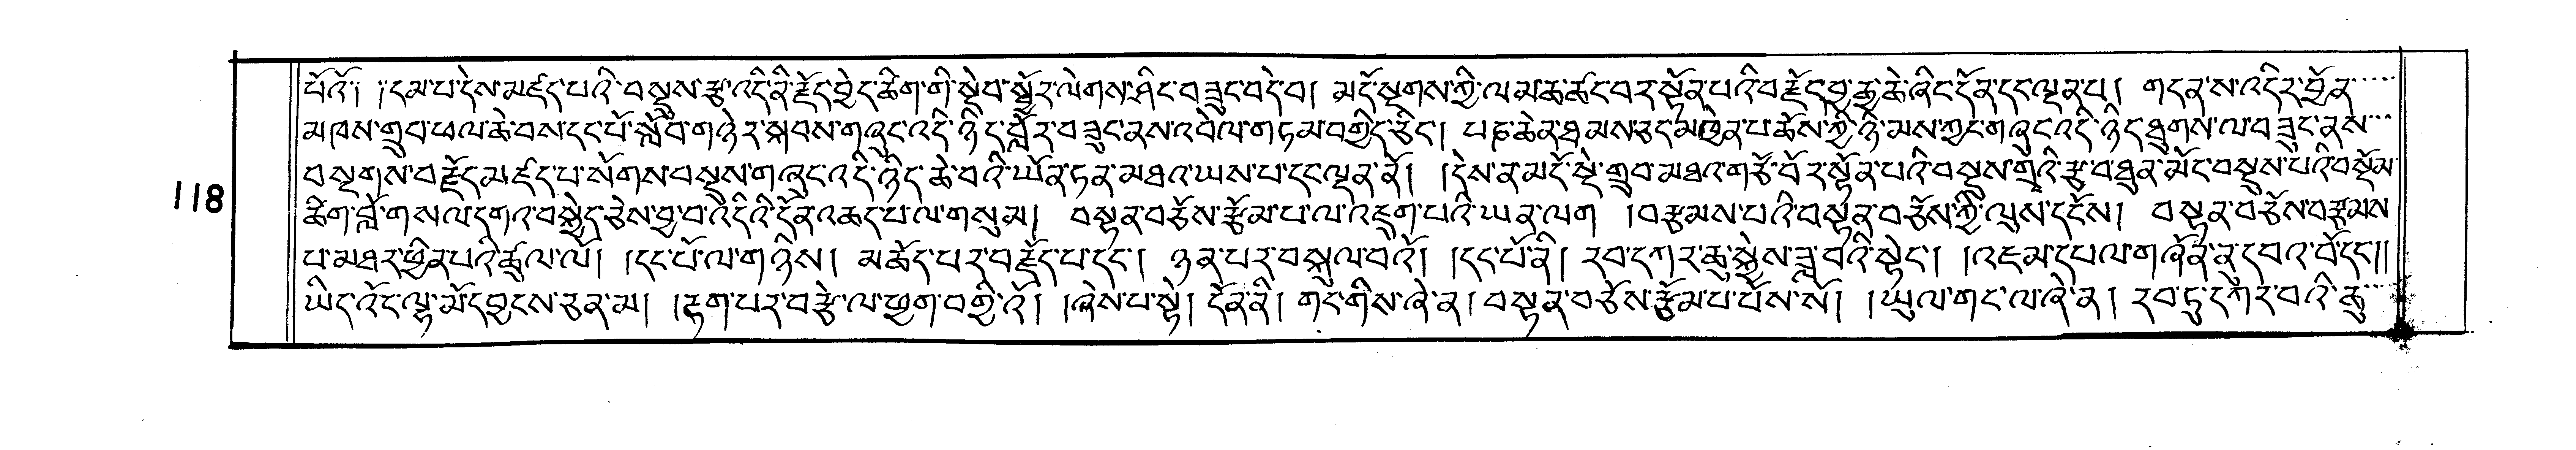པོའོ༑ ༑དམ་པ་དེས་མཛད་པའི་བསྡུས་རྩ་འདི་ནི་རྗོད་བྱེད་ཚིག་གི་སྡེབ་སྦྱོར་ལེགས་ཤིང་བཟུང་བདེ་བ། མདོ་སྔགས་ཀྱི་ལམ་ཆ་ཚང་བར་སྟོན་པའི་བརྗོད་བྱ་རྒྱ་ཆེ་ཞིང་དོན་དང་ལྡན་པ། གདན་ས་འདིར་བྱོན་
མཁས་གྲུབ་ཕལ་ཆེ་བས་དང་པོ་སློབ་གཉེར་སྐབས་གཞུང་འདི་ཉིད་བློར་བཟུང་ནས་འབྲེལ་གཏམ་བགྱིད་ཅིང་། པཎ་ཆེན་ཐམས་ཅད་མཁྱེན་པ་ཆོས་ཀྱི་ཉི་མས་ཀྱང་གཞུང་འདི་ཉིད་ཐུགས་ལ་བཟུང་ནས་
བསྔགས་བརྗོད་མཛད་པ་སོགས་བསྡུས་གཞུང་འདི་ཉིད་ཆེ་བའི་ཡོན་ཏན་མཐའ་ཡས་པ་དང་ལྡན་ནོ། །དེས་ན་མདོ་སྡེ་གྲུབ་མཐའ་གཙོ་བོར་སྟོན་པའི་བསྡུས་གྲྭའི་རྩ་བ་ཐུན་མོང་བསྡུས་པའི་བསྡོམ་
ཚིག་བློ་གསལ་དགའ་བསྐྱེད་ཅེས་བྱ་བ་འདིའི་དོན་འཆད་པ་ལ་གསུམ། བསྟན་བཅོས་རྩོམ་པ་ལ་འཇུག་པའི་ཡན་ལག །བརྩམས་པའི་བསྟན་བཅོས་ཀྱི་ལུས་དངོས། བསྟན་བཅོས་བརྩམས་
པ་མཐར་ཕྱིན་པའི་ཚུལ་ལོ། །དང་པོ་ལ་གཉིས། མཆོད་པར་བརྗོད་པ་དང་། ཉན་པར་བསྐུལ་བའོ། །དང་པོ་ནི། རབ་དཀར་ཆུ་སྐྱེས་ཟླ་བའི་སྟེང་། །འཇམ་དཔལ་གཞོན་ནུ་དབའ་བོ་དང།།
ཡིད་འོང་ལྷ་མོ་དབྱངས་ཅན་མ། །རྟག་པར་བརྩེ་ལ་ཕྱག་བགྱིའོ། །ཞེས་པ་སྟེ། དོན་ནི། གང་གིས་ཞེ་ན། བསྟན་བཅོས་རྩོམ་པ་པོས་སོ། །ཡུལ་གང་ལ་ཞེ་ན། རབ་ཏུ་དཀར་བའི་ཆུ་